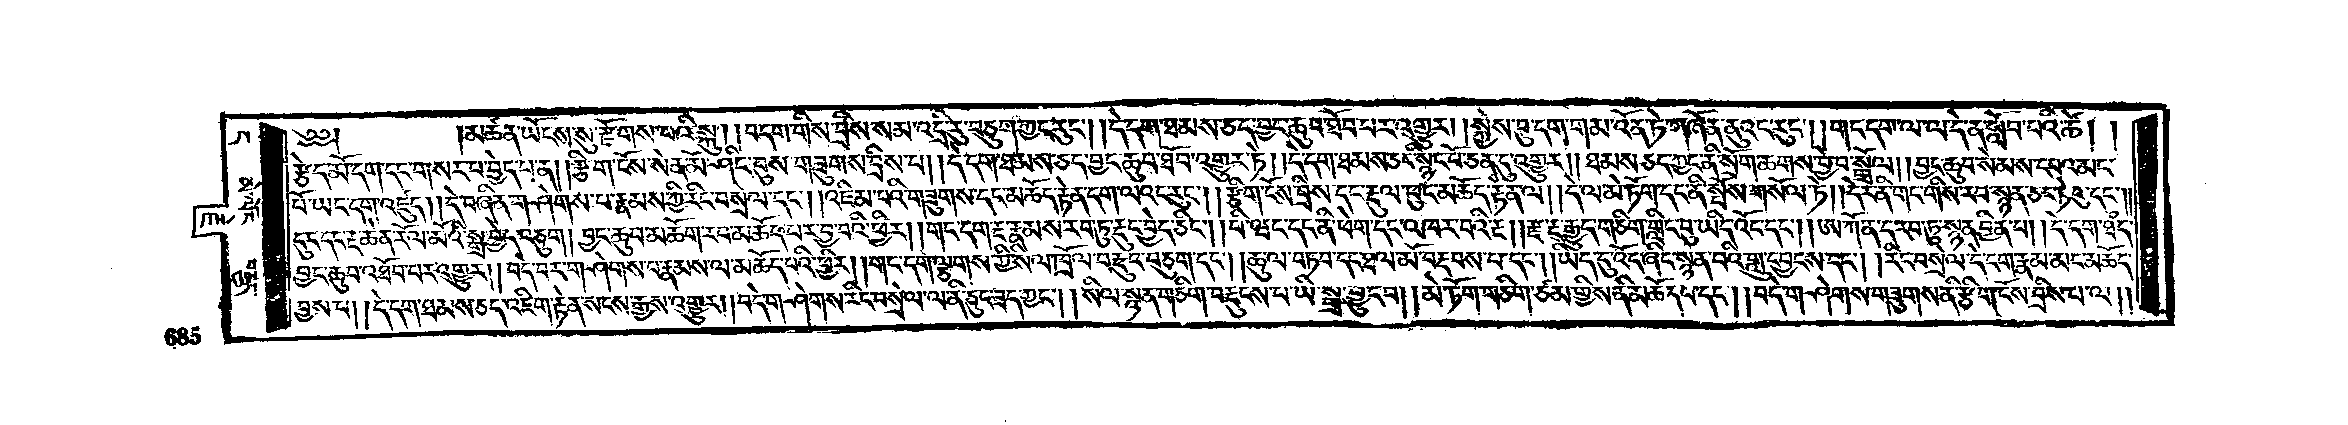༄༅། །མཚན་ཡོངས་སུ་རྫོགས་པའི་སྐུ། །བདག་གིས་བྲིས་སམ་འདྲི་རུ་བཅུག་ཀྱང་རུང་། །དེ་དག་ཐམས་ཅད་བྱང་ཆུབ་ཐོབ་པར་འགྱུར། །སྐྱེས་བུ་དག་གམ་འོན་ཏེ་གཞོན་ནུའང་རུང་། །གང་དག་ལ་ལ་དེ་ན་སློབ་པའི་ཚེ། །
རྩེད་མོ་དག་དང་གསར་པ་བྱེད་པ་ན། །རྩིག་ངོས་སེན་མོ་ཤིང་བུས་གཟུགས་བྲིས་པ། །དེ་དག་ཐམས་ཅད་བྱང་ཆུབ་ཐོབ་འགྱུར་ཏེ། །དེ་དག་ཐམས་ཅད་སྙིང་པོ་ཅན་དུ་འགྱུར། །ཐམས་ཅད་ཀྱང་ནི་སྲོག་ཆགས་བྱེ་བ་སྒྲོལ། །བྱང་ཆུབ་སེམས་དཔའ་མང་
པོ་ཡང་དག་འཛུད། །དེ་བཞིན་གཤེགས་པ་རྣམས་ཀྱི་རིང་བསྲེལ་དང་། །འཇིམ་པའི་གཟུགས་དང་མཆོད་རྟེན་དག་ལའང་རུང་། །རྩིག་ངོས་བྲིས་དང་རྡུལ་ཕུང་མཆོད་རྟེན་ལ། །དེ་ལ་མེ་ཏོག་དང་ནི་སྤོས་གསོལ་ཏེ། །དེར་ནི་གང་གིས་རབ་སྙན་ཅང་ཏེའུ་དང།།
དུང་དང་རྔ་ཆེན་རོལ་མོའི་སྒྲ་བྱེད་བཅུག །བྱང་ཆུབ་མཆོག་རབ་མཆོད་པར་བྱ་བའི་ཕྱིར། །གང་དག་རྔ་རྣམས་རབ་ཏུ་རྡུང་བྱེད་ཅིང་། །པི་ཝང་དང་ནི་ཕེག་དང་འཁར་བའི་རྔ། །རྫ་རྔ་རྒྱུད་གཅིག་གླིང་བུ་ཡིད་འོང་དང་། །ཨ་ཀོ་ན་ད་རབ་ཏུ་སྙན་བྱིན་པ། །དེ་དག་ཐམས་ཅད་
བྱང་ཆུབ་འཐོབ་པར་འགྱུར། །བདེ་བར་གཤེགས་པ་རྣམས་ལ་མཆོད་པའི་ཕྱིར། །གང་དག་ལྕགས་ཀྱི་སིལ་ཁྲོལ་བརྡུང་བཅུག་དང་། །ཆུ་ལ་བཏབ་དང་ཐལ་མོ་བརྡབས་པ་དང་། །ཡིད་དུ་འོང་ཞིང་སྙན་པའི་གླུ་དབྱངས་དང་། །རིང་བསྲེལ་དེ་དག་རྣམ་མང་མཆོད་
བྱས་པ། །དེ་དག་ཐམས་ཅད་འཇིག་རྟེན་སངས་རྒྱས་འགྱུར། །བདེ་གཤེགས་རིང་བསྲེལ་ལ་ནི་ཅུང་ཟད་ཀྱང་། །སིལ་སྙན་གཅིག་བརྡུངས་པ་ཡི་སྒྲ་བྱུང་བ། །མེ་ཏོག་གཅིག་ཙམ་གྱིས་ནི་མཆོད་པ་དང་། །བདེ་གཤེགས་གཟུགས་ནི་རྩིག་ངོས་བྲིས་པ་ལ།།